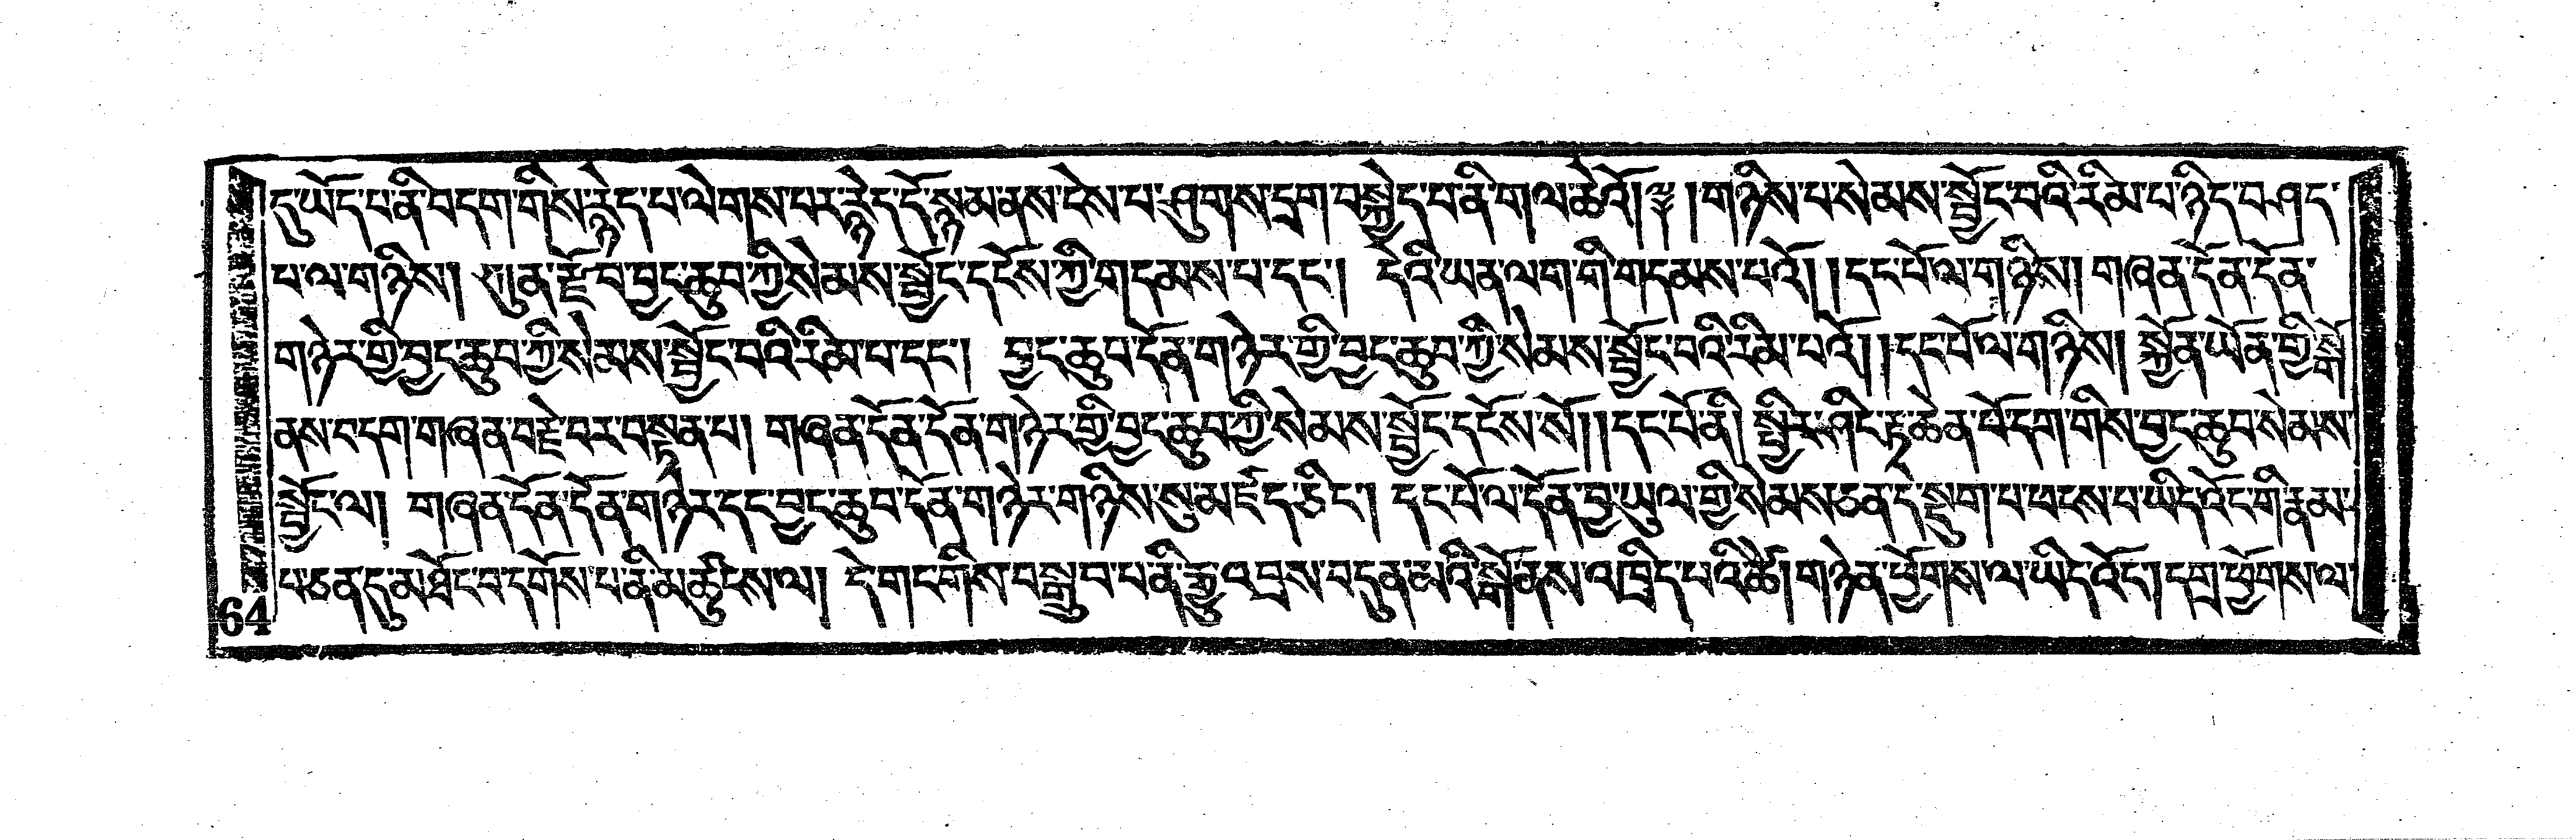དུ་ཡོད་པ་ནི་བདག་གིས་རྙེད་པ་ལེགས་པར་རྙེད་དོ་སྙམ་ནས་ངེས་པ་ཤུགས་དྲག་བསྐྱེད་པ་ནི་གལ་ཆེའོ། ༈ །གཉིས་པ་སེམས་སྦྱོང་བའི་རིམ་པ་ཉིད་བཤད་
པ་ལ་གཉིས། ཀུན་རྫོབ་བྱང་ཆུབ་ཀྱི་སེམས་སྦྱོང་དངོས་ཀྱི་གདམས་པ་དང་། དེའི་ཡན་ལག་གི་གདམས་པའོ། །དང་པོ་ལ་གཉིས། གཞན་དོན་དོན་
གཉེར་གྱི་བྱང་ཆུབ་ཀྱི་སེམས་སྦྱོང་བའི་རིམ་པ་དང་། བྱང་ཆུབ་དོན་གཉེར་གྱི་བྱང་ཆུབ་ཀྱི་སེམས་སྦྱོང་བའི་རིམ་པའོ། །དང་པོ་ལ་གཉིས། སྐྱོན་ཡོན་གྱི་སྒོ་
ནས་བདག་གཞན་བརྗེ་བར་བསྟན་པ། གཞན་དོན་དོན་གཉེར་གྱི་བྱང་ཆུབ་ཀྱི་སེམས་སྦྱོང་དངོས་སོ། །དང་པོ་ནི། སྤྱིར་ཤིང་རྟ་ཆེན་པོ་དག་གིས་བྱང་ཆུབ་སེམས་
སྦྱོང་ལ། གཞན་དོན་དོན་གཉེར་དང་བྱང་ཆུབ་དོན་གཉེར་གཉིས་སུ་མཛད་ཅིང་། དང་པོ་ལ་དོན་བྱ་ཡུལ་གྱི་སེམས་ཅན་དེ་སྡུག་པ་ཕངས་པ་ཡིད་འོང་གི་རྣམ་
པ་ཅན་དུ་མཐོང་བ་དགོས་པ་ནི་མཚུངས་ལ། དེ་གང་གིས་བསྒྲུབ་པ་ནི་རྒྱུ་འབྲས་བདུན་མའི་སྒོ་ནས་འཁྲིད་པའི་ཚེ། གཉེན་ཕྱོགས་ལ་ཡིད་འོང་། དགྲ་ཕྱོགས་ལ་